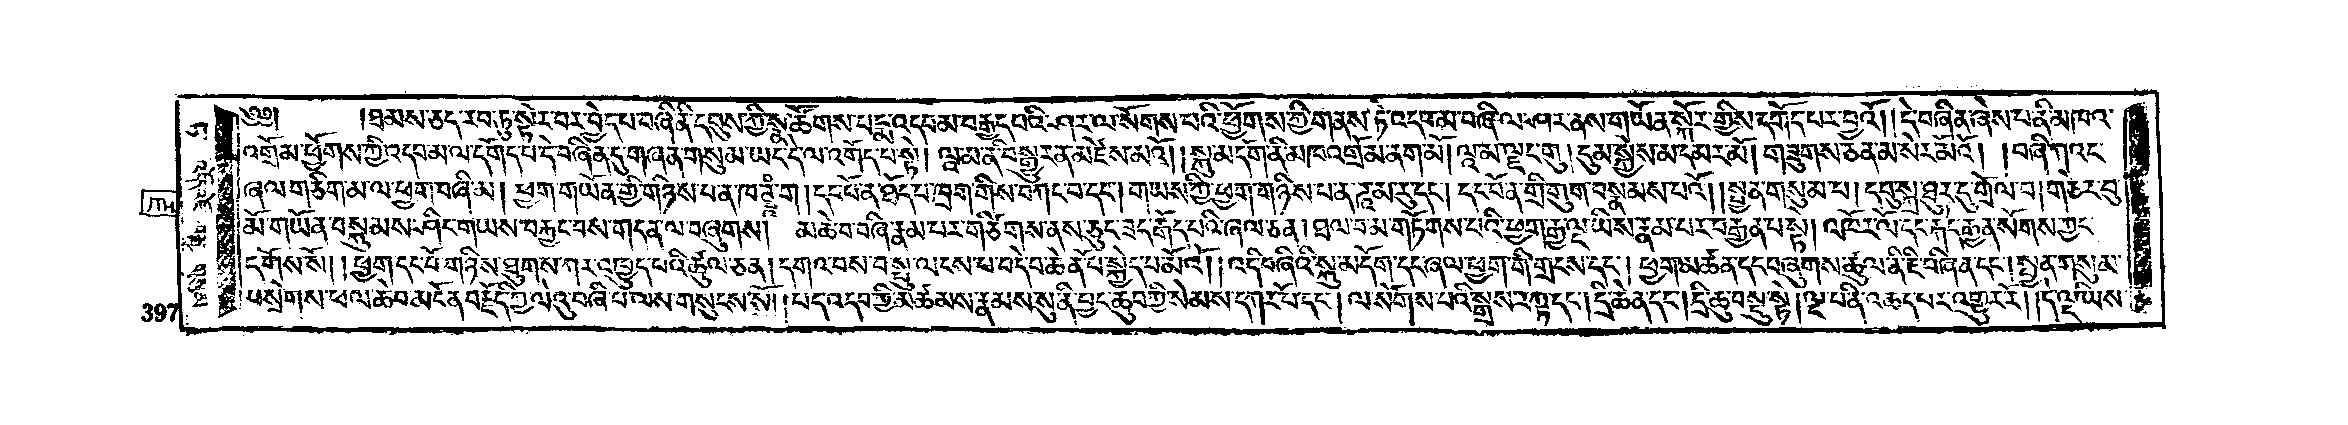༄༅། །ཐམས་ཅད་རབ་ཏུ་སྟོང་བར་བྱེད་པ་བཞི་ནི་དབུས་ཀྱི་སྣ་ཚོགས་པདམ་འདབ་མ་བརྒྱད་པའི་ཤར་ལ་སོགས་པའི་ཕྱོགས་ཀྱི་གནས་ཏེ་འདབ་མ་བཞི་ལ་ཤར་ནས་གཡོན་སྐོར་གྱིས་དགོད་པར་བྱའོ། །དེ་བཞིན་ཞེས་པ་ནི་མཁའ་
འགྲོ་མ་ཕྱོགས་ཀྱི་འདབ་མ་ལ་དགོད་པ་དེ་བཞིན་དུ་གཞན་གསུམ་ཡང་དེ་ལ་འགོད་པ་སྟེ། ལཱ་མ་ནི་བསྒྱུར་ན་མཛེས་མའོ། །སྐུ་མདོག་ནི་མཁའ་འགྲོ་མ་ནག་མོ། ལཱ་མ་ལྗང་གུ། དུམ་སྐྱེས་མ་དམར་མོ། གཟུགས་ཅན་མ་སེར་མོའོ། །བཞི་ཀའང་
ཞལ་གཅིག་མ་ལ་ཕྱག་བཞི་མ། ཕྱག་གཡོན་གྱི་གཉིས་པ་ན་ཁཊྭཱཾ་ག །དང་པོ་ན་ཐོད་པ་ཁྲག་གིས་བཀང་བ་དང་། གཡས་ཀྱི་ཕྱག་གཉིས་པ་ན་ཌཱ་མ་རུ་དང་། དང་པོ་ན་གྲི་གུག་བསྣམས་པའོ། །སྤྱན་གསུམ་པ། དབུ་སྐྲ་ཐུར་དུ་གྲོལ་བ། གཅེར་བུ་
མོ་གཡོན་བསྐུམས་ཤིང་གཡས་བརྐྱང་བས་གདན་ལ་བཞུགས་པ། མཆེ་བ་བཞི་རྣམ་པར་གཙིགས་ནས་ཅུང་ཟད་རྒོད་པའི་ཞལ་ཅན། ཐལ་བ་མ་གཏོགས་པའི་ཕྱག་རྒྱ་ལྔ་ཡིས་རྣམ་པར་བརྒྱན་པ་སྟེ། འཁོར་ལོ་དང་རྐེད་རྒྱན་སོགས་ཀྱང་
དགོས་སོ། །ཕྱག་དང་པོ་གཉིས་ཐུགས་ཀར་འཁྱུད་པའི་ཚུལ་ཅན། དགའ་བས་བ་སྤུ་ལངས་པ་བདེ་བ་ཆེན་པོ་སྐྱེད་པ་མོའོ། །འདི་བཞིའི་སྐུ་མདོག་དང་ཞལ་ཕྱག་གི་གྲངས་དང་། ཕྱག་མཚན་དང་བཞུགས་ཚུལ་ནི་ཇི་བཞིན་དང་། སྤྱན་གསུམ་
པ་སོགས་ཕལ་ཆེ་བ་མངོན་བརྗོད་ཀྱི་ལེའུ་བཞི་པ་ལས་གསུངས་སོ། །པད་འདབ་ཀྱི་མཚམས་རྣམས་སུ་ནི་བྱང་ཆུབ་ཀྱི་སེམས་དཀར་པོ་དང་། ལ་སོགས་པའི་སྒྲས་རཀྟ་དང་། དྲི་ཆེན་དང་། དྲི་ཆུ་བསྡུ་སྟེ། ལྔ་པ་ནི་འཆད་པར་འགྱུར་རོ། །དེ་ལྔ་ཡིས་